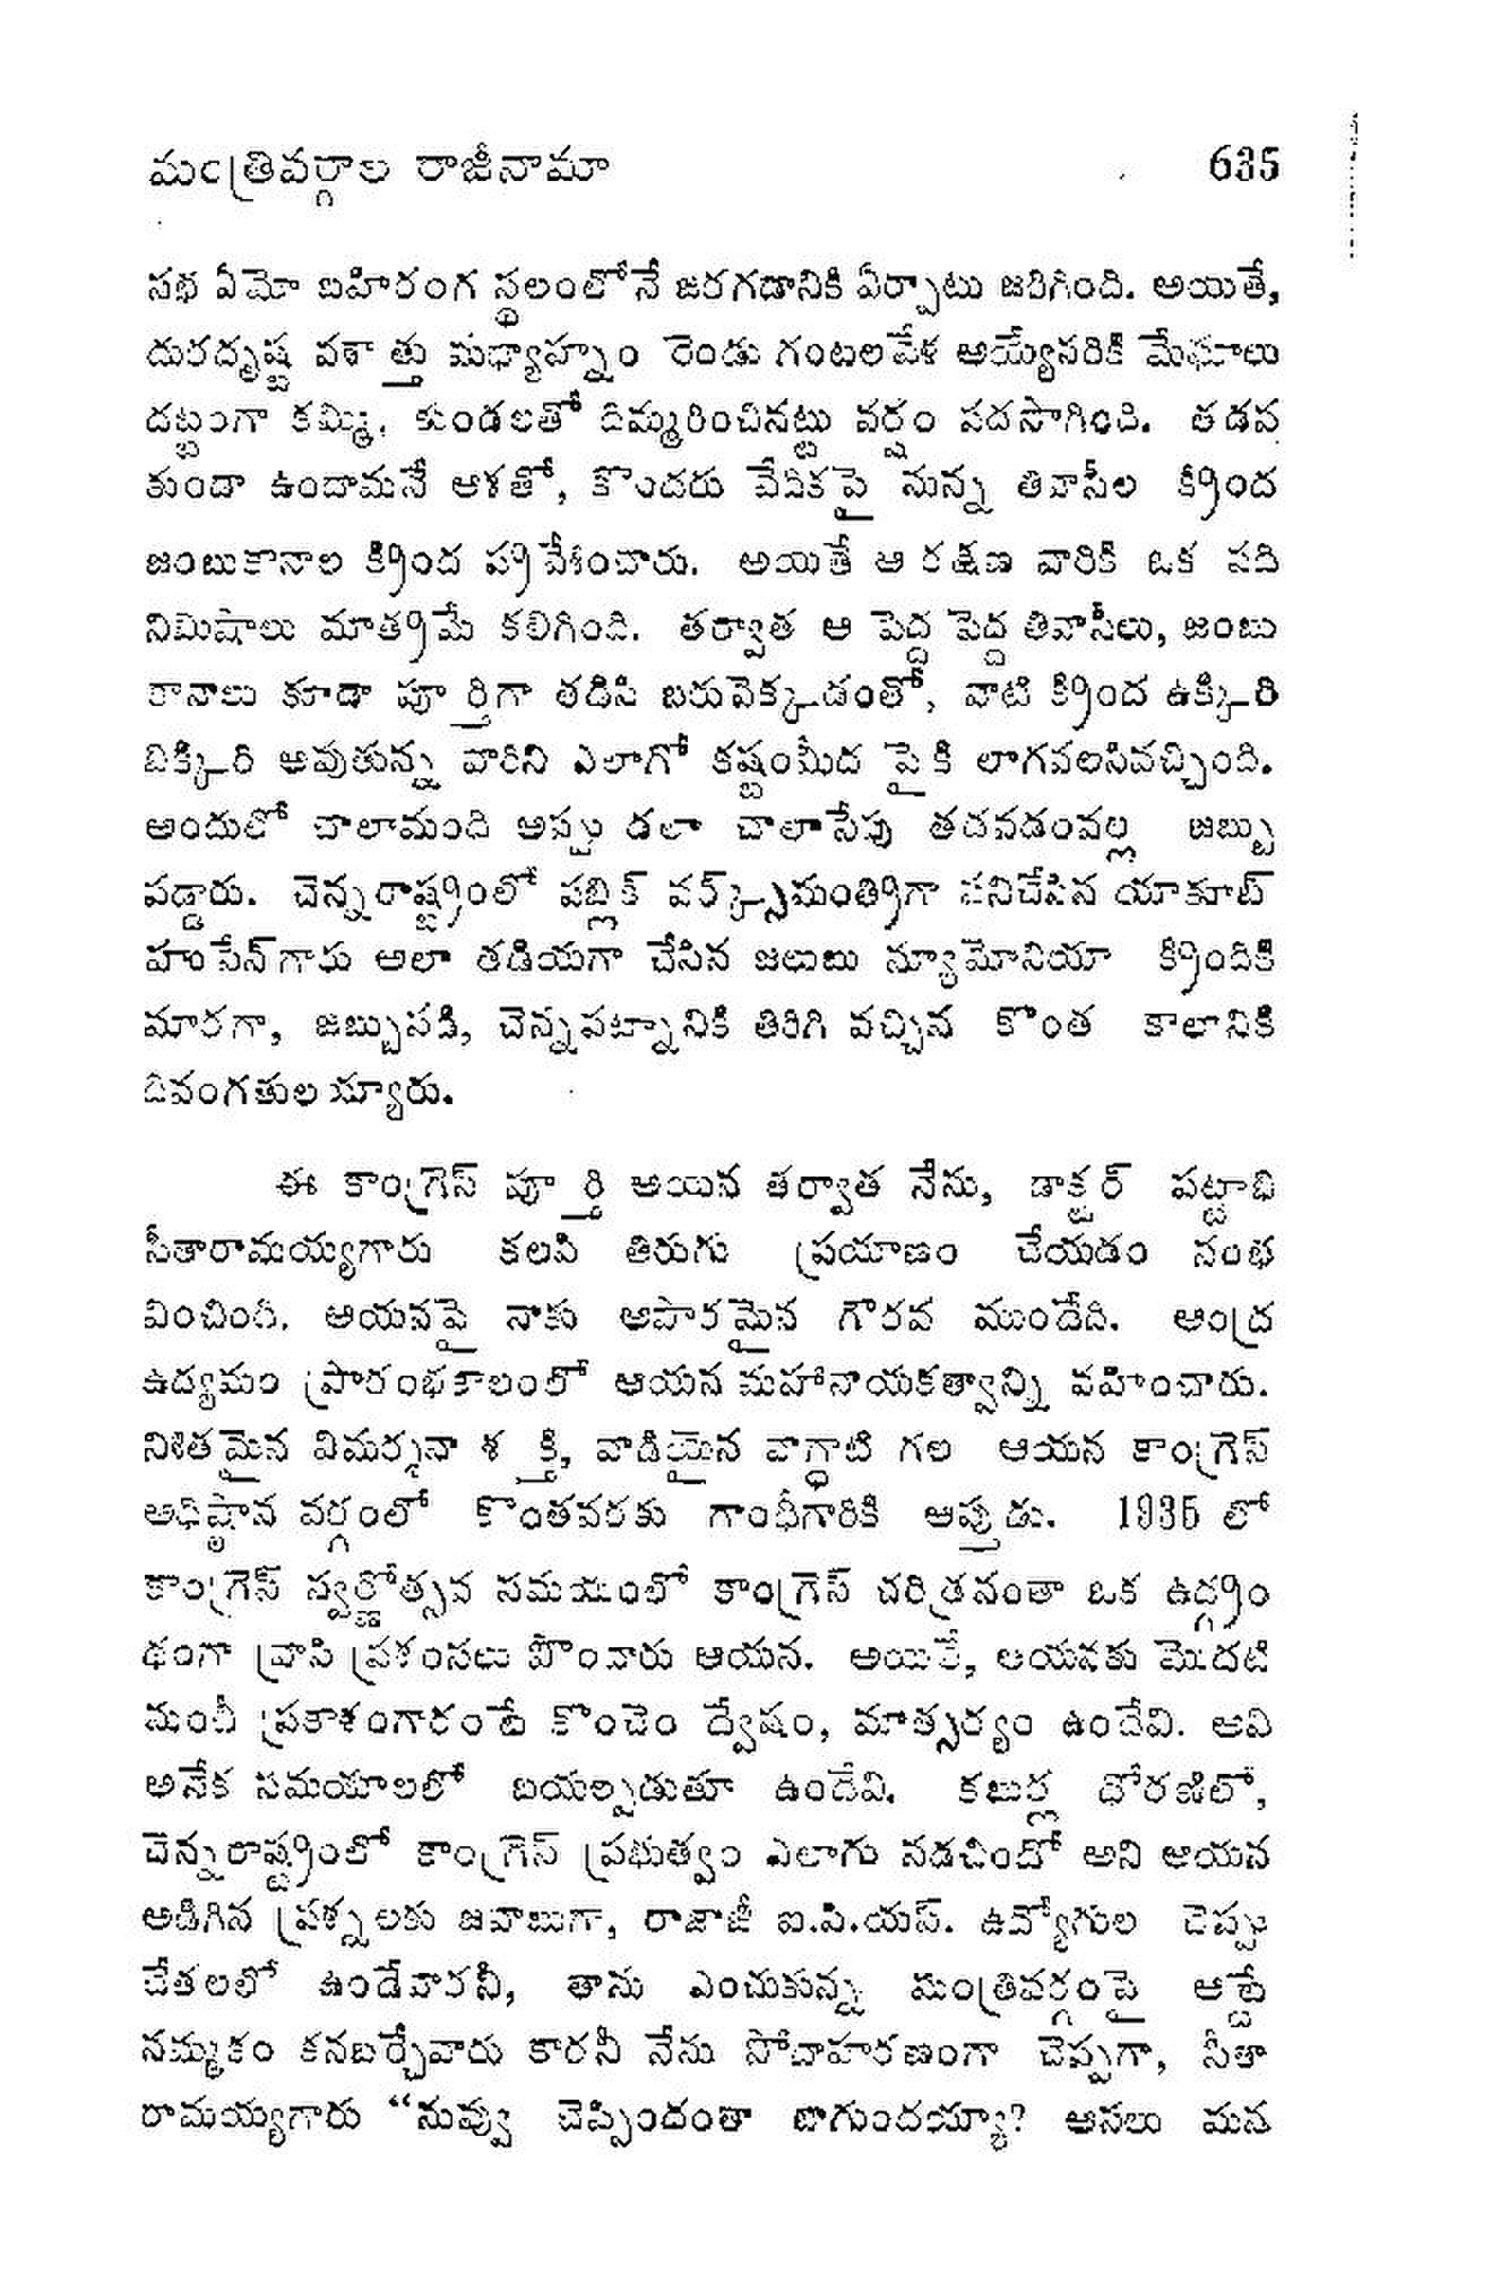సభ ఏమో బహిరంగ స్థలంలోనే జరగడానికి ఏర్పాటు జరిగింది. అయితే, దురదృష్ట వశాత్తు మధ్యాహ్నం రెండు గంటలవేళ అయ్యేసరికి మేఘాలు దట్టంగా కమ్మి, కుండలతో దిమ్మరించి నట్టు వర్షం పడసాగింది. తడవకుండా ఉందామనే ఆశతో, కొందరు వేదికపై నున్న తివాసీల క్రింద జంబుకానాల క్రింద ప్రవేశించారు. అయితే ఆ రక్షణ వారికి ఒక పదినిమిషాలు మాత్రమే కలిగింది. తర్వాత ఆ పెద్ద పెద్ద తివాసీలు, జంబుకానాలు కూడా పూర్తిగా తడిసి బరు వెక్కడంతో, వాటి క్రింద ఉక్కిరి బిక్కిరి అవుతున్న వారిని ఎలాగో కష్టంమీద పైకి లాగవలసి వచ్చింది. అందులో చాలామంది అప్పు డలా చాలాసేపు తడవడంవల్ల జబ్బు పడ్డారు. చెన్నరాష్ట్రంలో పబ్లిక్ వర్క్స్‌మంత్రిగా పనిచేసిన యాకూబ్ హుసేన్‌గారు అలా తడియగా చేసిన జలుబు న్యూమోనియా క్రిందికి మారగా, జబ్బుపడి, చెన్నపట్నానికి తిరిగి వచ్చిన కొంత కాలానికి దివంగతులయ్యారు.

ఈ కాంగ్రెస్ పూర్తి అయిన తర్వాత నేను, డాక్టర్ పట్టాభి సీతారామయ్యగారు కలసి తిరుగు ప్రయాణం చేయడం సంభవించింది. ఆయనపై నాకు అపారమైన గౌరవ ముండేది. ఆంధ్ర ఉద్యమం ప్రారంభకాలంలో ఆయన మహానాయకత్వాన్ని వహించారు. నిశితమైన విమర్శనా శక్తి, వాడియైన వాగ్ధాటి గల ఆయన కాంగ్రెస్ అధిష్ఠాన వర్గంలో కొంతవరకు గాంధీగారికి ఆప్తుడు. 1935 లో కాంగ్రెస్ స్వర్ణోత్సవ సమయంలో కాంగ్రెస్ చరిత్రనంతా ఒక ఉద్గ్రంథంగా వ్రాసి ప్రశంసలు పొందారు ఆయన. అయితే, ఆయనకు మొదటినుంచీ ప్రకాశంగారంటే కొంచెం ద్వేషం, మాత్సర్యం ఉండేవి. అవి అనేక సమయాలలో బయల్పడుతూ ఉండేవి. కబుర్ల ధోరణిలో, చెన్నరాష్ట్రంలో కాంగ్రెస్ ప్రభుత్వం ఎలాగు నడచిందో అని ఆయన అడిగిన ప్రశ్నలకు జవాబుగా, రాజాజీ ఐ. సి. యస్. ఉద్యోగుల చెప్పుచేతలలో ఉండేవారనీ, తాను ఎంచుకున్న మంత్రివర్గంపై అట్టే నమ్మకం కనబర్చేవారు కారనీ నేను సోదాహరణంగా చెప్పగా, సీతారామయ్యగారు "నువ్వు చెప్పిందంతా బాగుందయ్యా? అసలు మన